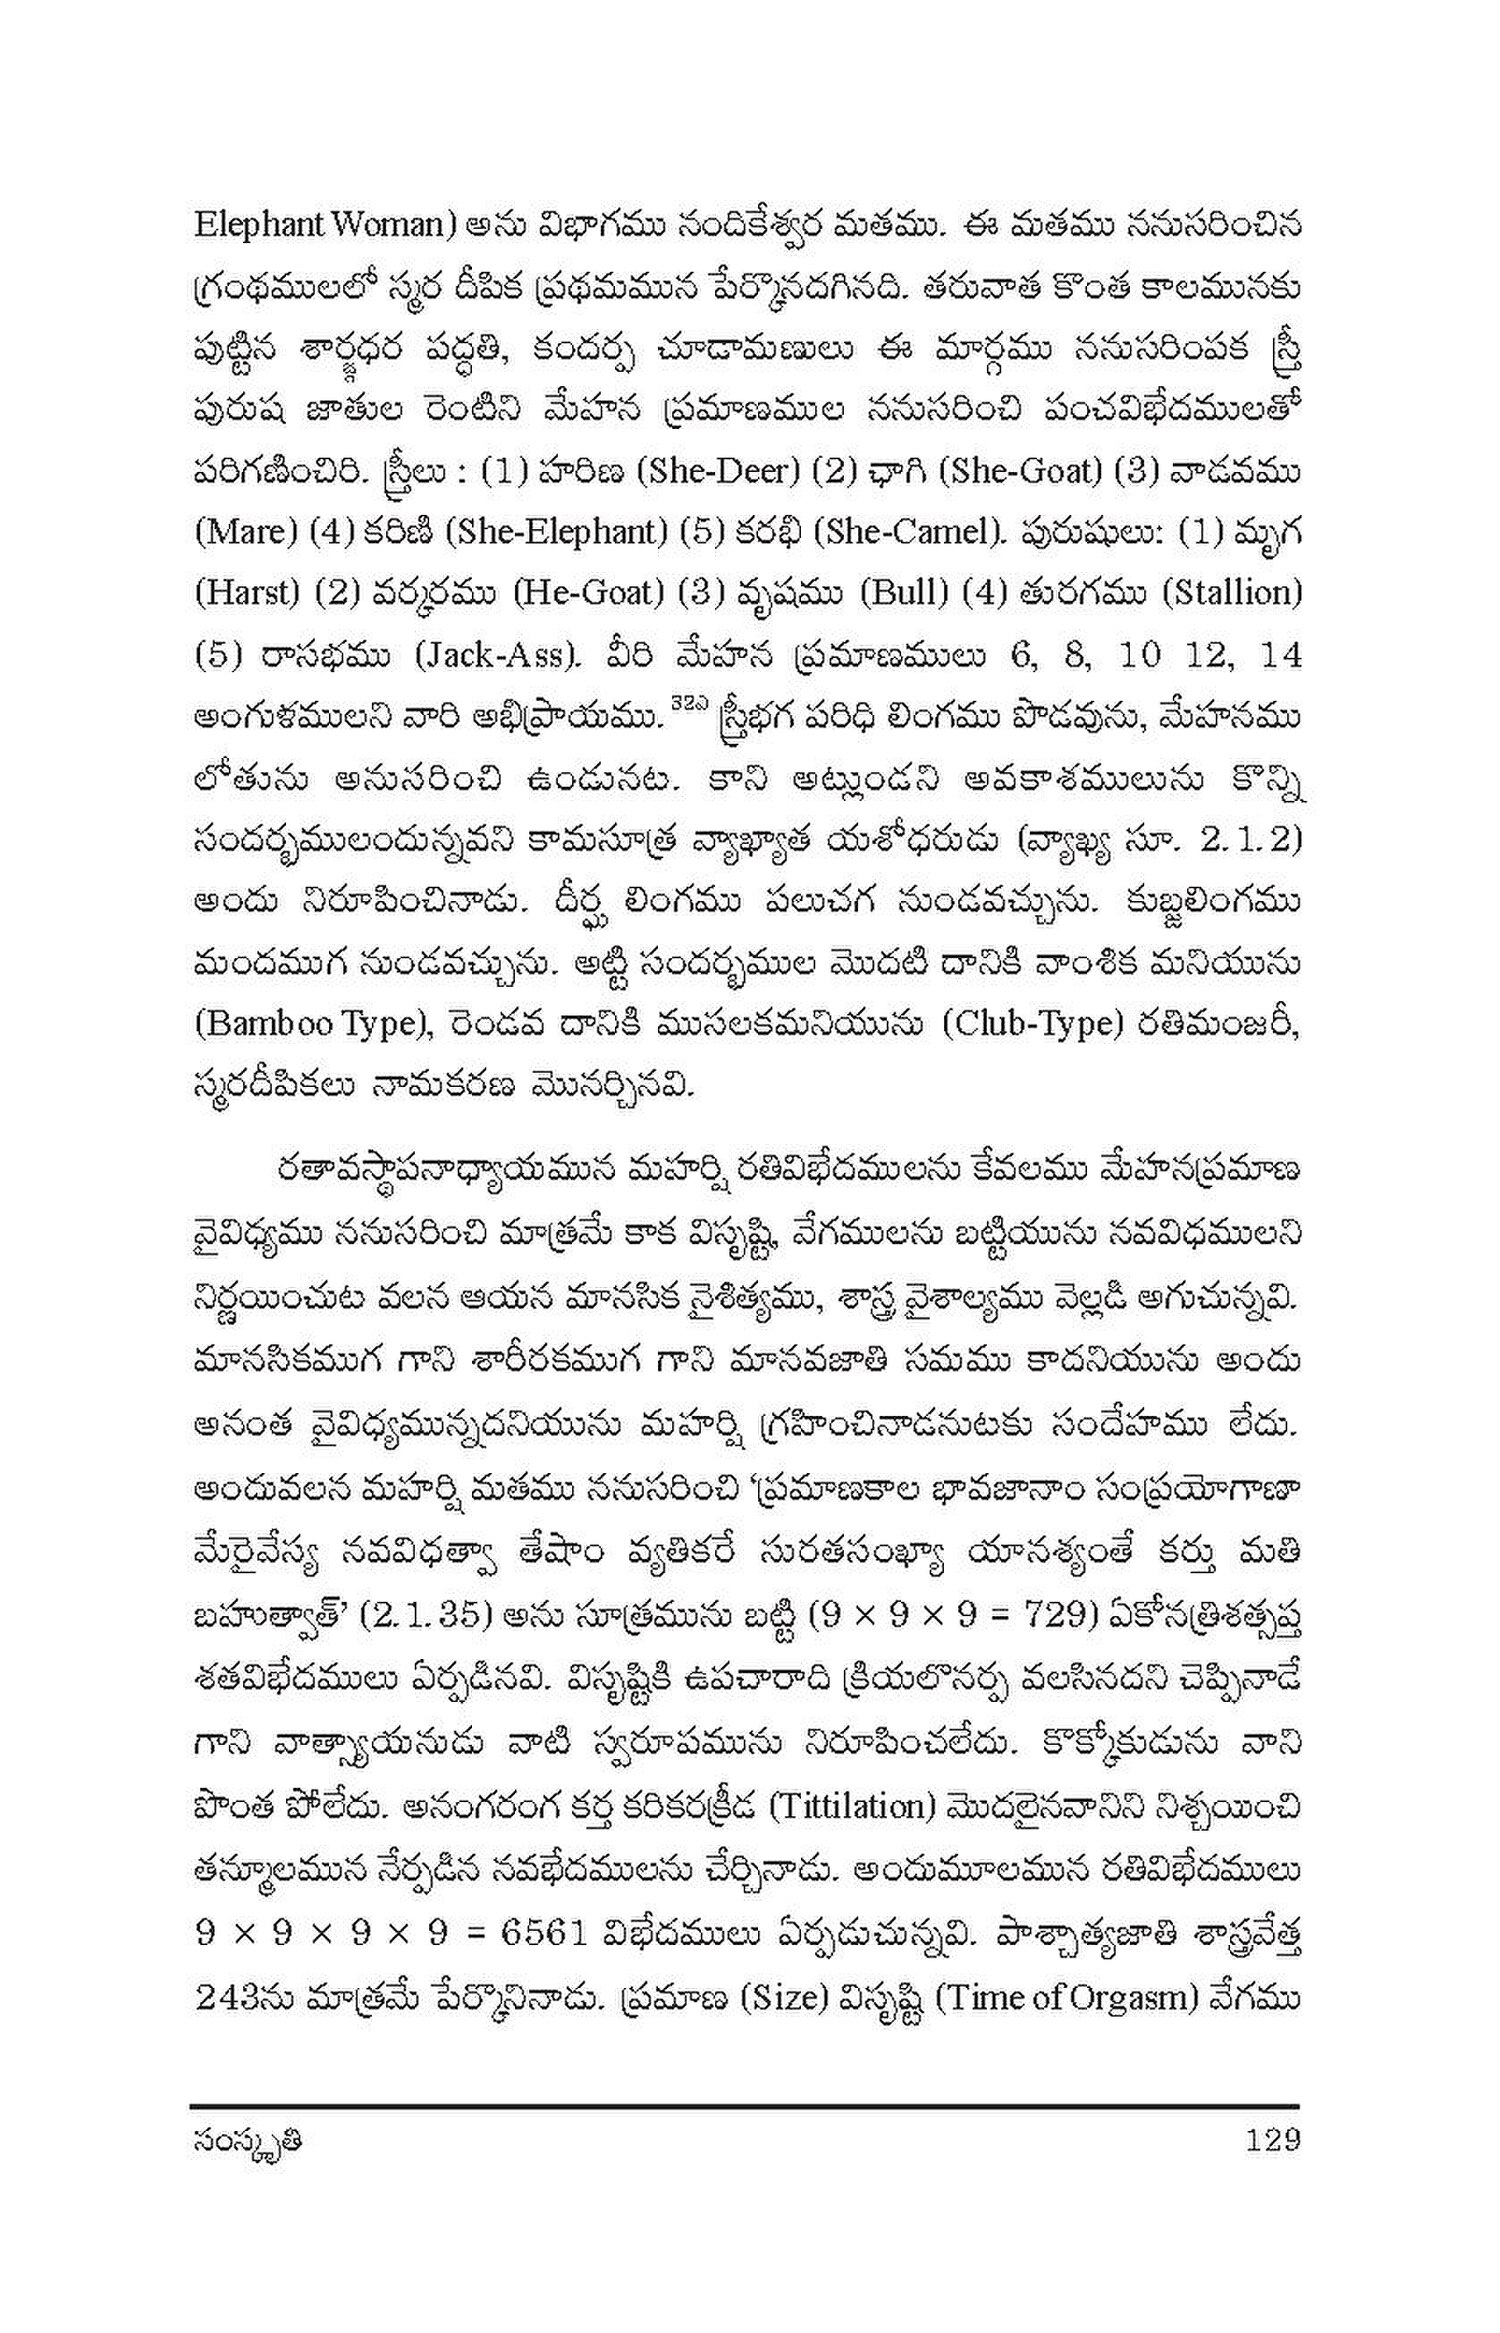Elephant Woman) అను విభాగము నందికేశ్వర మతము. ఈ మతము ననుసరించిన
గ్రంథములలో స్మర దీపిక ప్రథమమున పేర్కొనదగినది. తరువాత కొంత కాలమునకు
పుట్టిన శార్గ్ఙధర పద్ధతి, కందర్ప చూడామణులు ఈ మార్గము ననుసరింపక స్త్రీ
పురుష జాతుల రెంటిని మేహన ప్రమాణముల ననుసరించి పంచవిభేదములతో
పరిగణించిరి. స్త్రీలు : (1) హరిణ (She-Deer) (2) ఛాగి (She-Goat) (3) వాడవము
(Mare) (4) కరిణి (She-Elephant) (5) కరభి (She-Camel). పురుషులు: (1) మృగ
(Harst) (2) వర్కరము (He-Goat) (3) వృషము (Bull) (4) తురగము (Stallion)
(5) రాసభము (Jack-Ass). వీరి మేహన ప్రమాణములు 6, 8, 10 12, 14
అంగుళములని వారి అభిప్రాయము. స్త్రీభగ పరిధి లింగము పొడవును, మేహనము
లోతును అనుసరించి ఉండునట. కాని అట్లుండని అవకాశములును కొన్ని
సందర్భములందున్నవని కామసూత్ర వ్యాఖ్యాత యశోధరుడు (వ్యాఖ్య సూ.2.1.2)
అందు నిరూపించినాడు. దీర్ఘ లింగము పలుచగ నుండవచ్చును. కుబ్జలింగము
మందముగ నుండవచ్చును. అట్టి సందర్భముల మొదటి దానికి వాంశిక మనియును
(Bamboo Type), రెండవ దానికి ముసలకమనియును (Club-Type) రతిమంజరీ,
స్మరదీపికలు నామకరణ మొనర్చినవి.

రతావస్థాపనాధ్యాయమున మహర్షి రతివిభేదములను కేవలము మేహనప్రమాణ
వైవిధ్యము ననుసరించి మాత్రమే కాక విసృష్టి, వేగములను బట్టియును నవవిధములని
నిర్ణయించుట వలన ఆయన మానసిక నైశిత్యము, శాస్త్ర వైశాల్యము వెల్లడి అగుచున్నవి.
మానసికముగ గాని శారీరకముగ గాని మానవజాతి సమము కాదనియును అందు
అనంత వైవిధ్యమున్నదనియును మహర్షి గ్రహించినాడనుటకు సందేహము లేదు.
అందువలన మహర్షి మతము ననుసరించి 'ప్రమాణకాల భావజానం సంప్రయోగాణా
మేరైవేస్య నవవిధత్వా తేషాం వ్యతికరే సురతసంఖ్యా యానశ్యంతే కర్తు మతి
బహుత్వాత్' (2.1.35) అను సూత్రమును బట్టి (9 × 9 × 9 = 729) ఏకోనత్రిశతృప్త
శతవిభేదములు ఏర్పడినవి. విసృష్టికి ఉపచారాది క్రియలొనర్ప వలసినదని చెప్పినాడే
గాని వాత్స్యాయనుడు వాటి స్వరూపమును నిరూపించలేదు. కొక్కోకుడును వాని
పొంత పోలేదు. అనంగరంగ కర్త కరికరక్రీడ (Tittilation) మొదలైనవానిని నిశ్చయించి
తన్మూలమున నేర్పడిన నవభేదములను చేర్చినాడు. అందుమూలమున రతివిభేదములు
9 × 9 × 9 × 9 = 6561 విభేదములు ఏర్పడుచున్నవి. పాశ్చాత్యజాతి శాస్త్రవేత్త
243ను మాత్రమే పేర్కొనినాడు. ప్రమాణ (Size) విసృష్టి (Time of Orgasm) వేగము